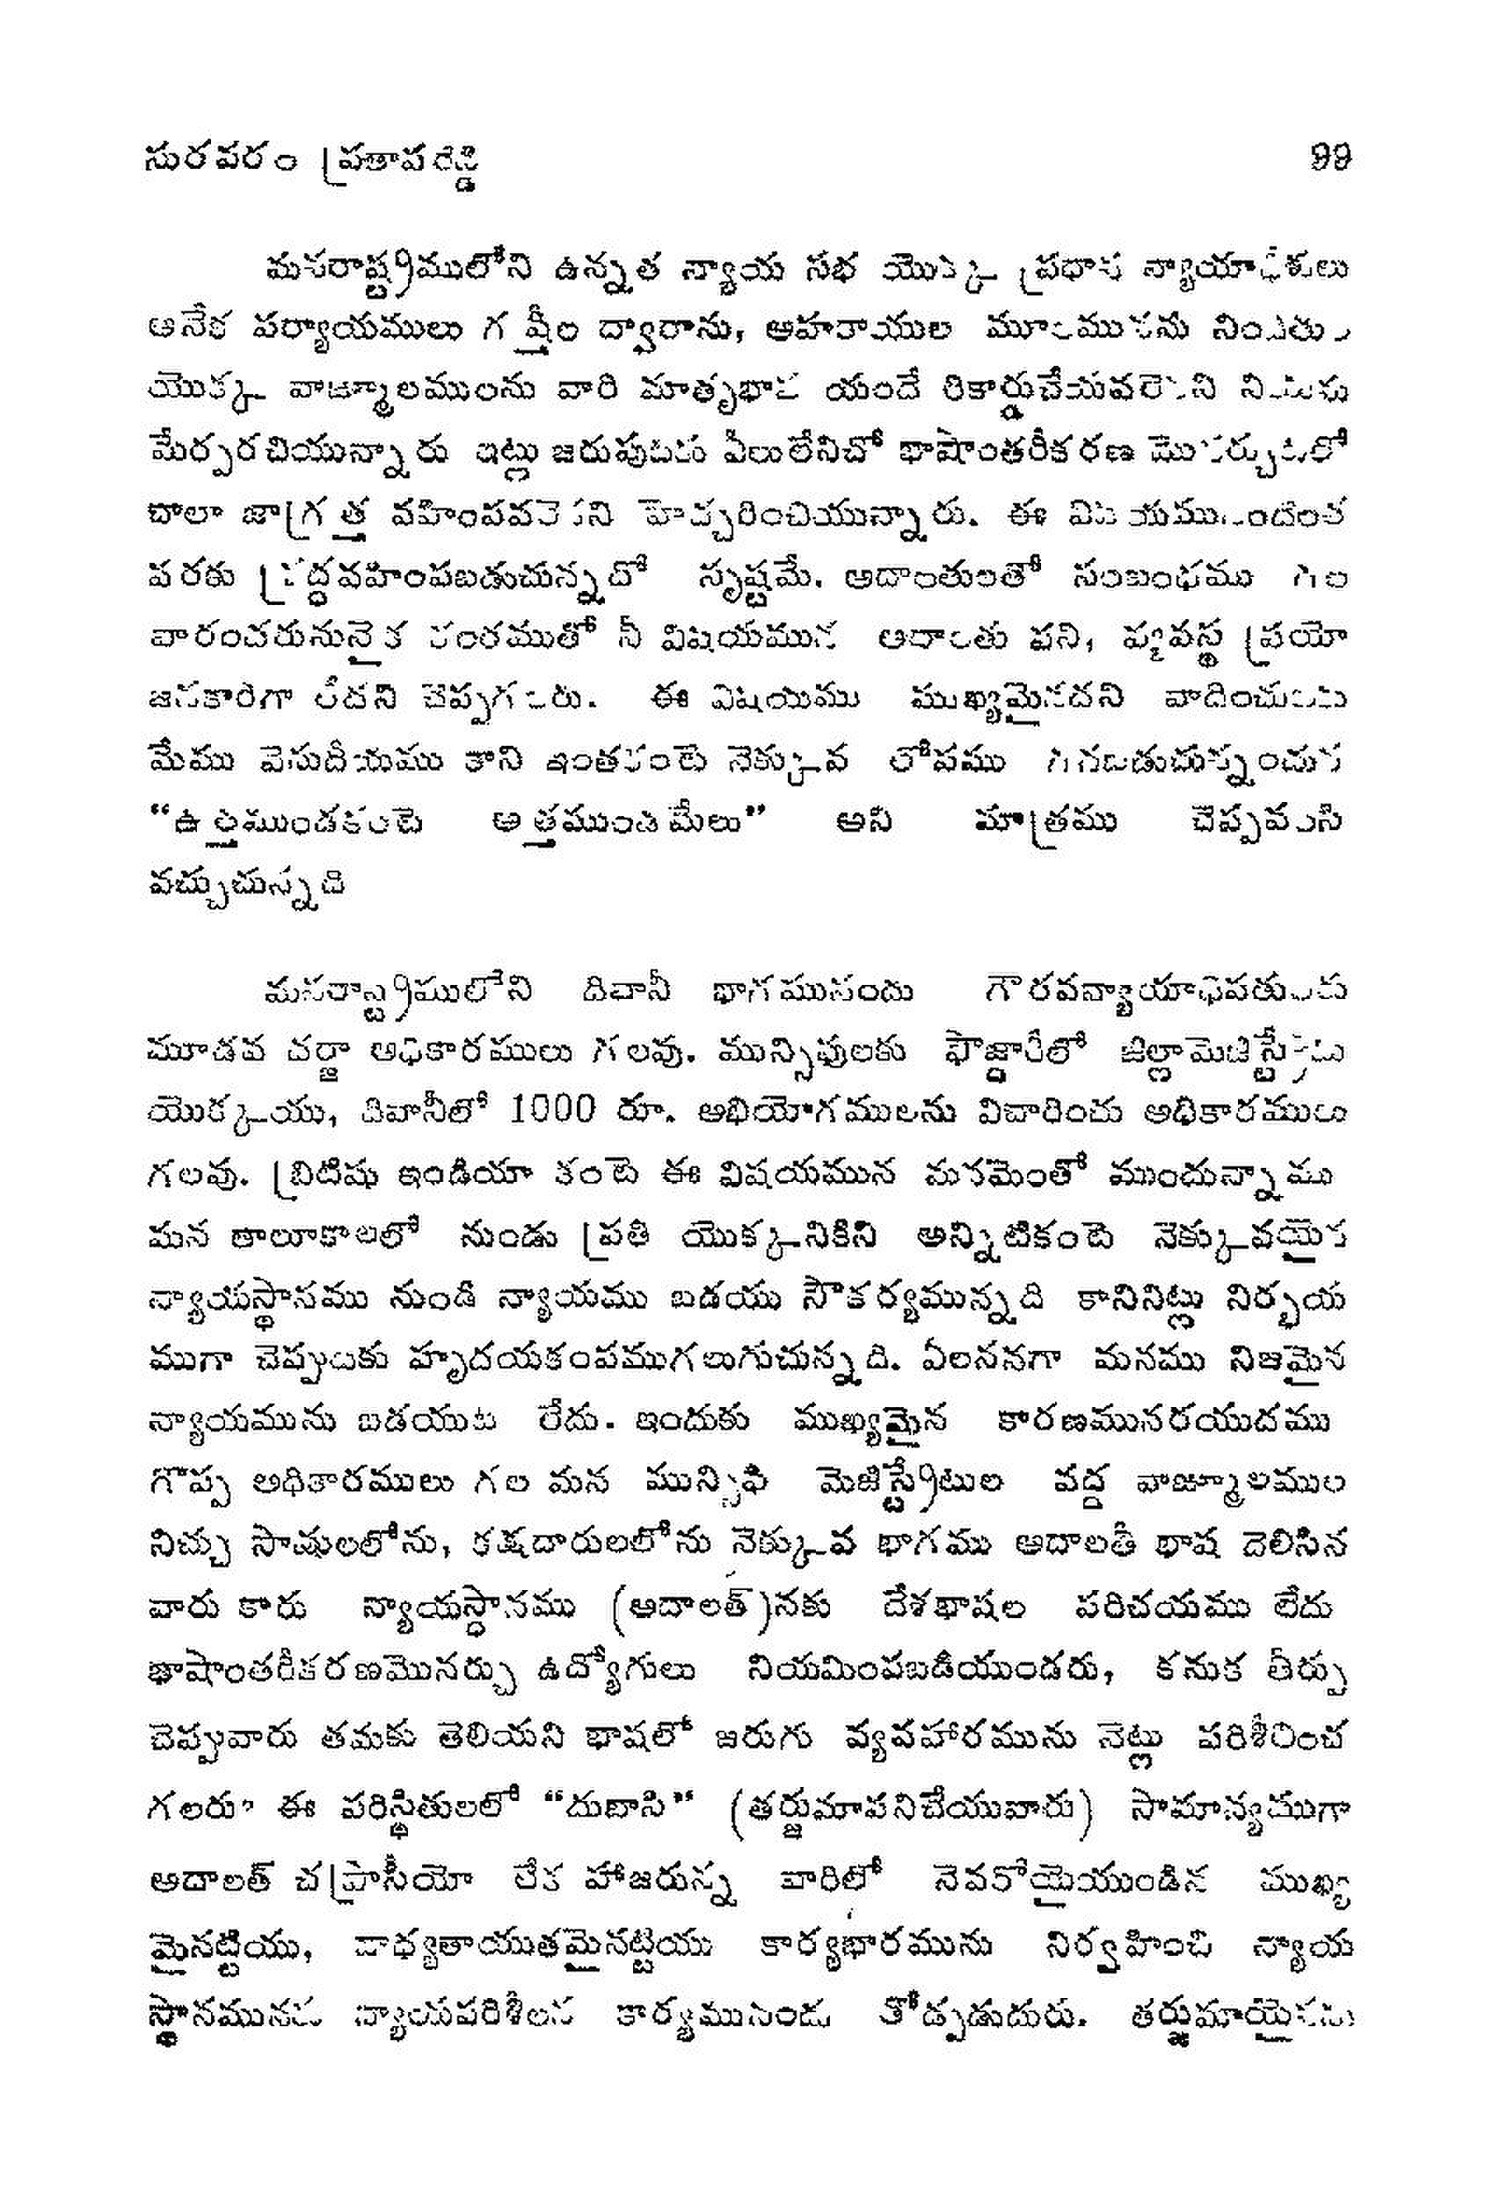మనరాష్ట్రములోని ఉన్నత న్యాయ సభ యొక్క ప్రధాన న్యాయాధీశులు అనేక పర్యాయములు గష్తీల ద్వారాను, ఆహకాయుల మూలమునను నిందితుల యొక్క వాఙ్మూలములను వారి మాతృభాష యందే రికార్డుచేయవలెనని నియమ మేర్పరచియున్నారు ఇట్లు జరుపుటకు వీలులేనిచో భాషాంతరీకరణ మొనర్చుటలో చాలా జాగ్రత్త వహింపవలెనని హెచ్చరించియున్నారు. ఈ విషయమునందెంత వరకు శ్రద్ధవహింపబడుచున్నదో సృష్టమే. అదాలతులతో సంబంధము గల వారందరునునైక కంఠముతో నీ విషయమున అదాలతు పని, వ్యవస్థ ప్రయోజనకారిగా లేదని చెప్పగలరు. ఈ విషయము ముఖ్యమైనదని వాదించుటకు మేము వెనుదీయము కాని ఇంతకంటె నెక్కువ లోపము గనబడుచున్నందున "ఉత్తముండకంటె అత్తముండమేలు" అని మాత్రము చెప్పవలసి
వచ్చుచున్నది

మనరాష్ట్రములోని దివానీ భాగమునందు గౌరవన్యాయాధిపతులకు మూడవ దర్జా అధికారములు గలవు. మున్సిపులకు ఫౌజ్దారీలో జిల్లామెజిస్ట్రేటు యొక్కయు, దివానీలో 1000 రూ. అభియోగములను విచారించు అధికారములు గలవు. బ్రిటిషు ఇండియా కంటె ఈ విషయమున మనమెంతో ముందున్నాము మన తాలూకాలలో నుండు ప్రతి యొక్కనికిని అన్నిటికంటె నెక్కువయైన న్యాయస్థానము నుండి న్యాయము బడయు సౌకర్యమున్నది కానినిట్లు నిర్భయముగా చెప్పుటకు హృదయకంపముగలుగుచున్నది. ఏలననగా మనము నిజమైన న్యాయమును బడయుట లేదు. ఇందుకు ముఖ్యమైన కారణమునరయుదము గొప్ప అధికారములు గల మన మున్సిఫి మెజిస్ట్రేటుల వద్ద వాఙ్మూలముల నిచ్చు సాక్షులలోను, కక్షదారులలోను నెక్కువ భాగము అదాలతీ భాష దెలిసిన
వారు కారు న్యాయస్థానము (అదాలత్ )నకు దేశభాషల పరిచయము లేదు భాషాంతరీకరణమొనర్చు ఉద్యోగులు నియమింపబడియుండరు. కనుక తీర్పు చెప్పువారు తమకు తెలియని భాషలో జరుగు వ్యవహారమును నెట్లు పరిశీలించగలరు? ఈ పరిస్థితులలో “దుబాసి" (తర్జుమాపనిచేయువారు) సామాన్యముగా అదాలత్ చప్రాసీయో లేక హాజరున్న వారిలో నెవరోయైయుండిన ముఖ్యమైనట్టియు, బాధ్యతాయుతమైనట్టియు కార్యభారమును నిర్వహించి న్యాయస్థానమునకు న్యాయపరిశీలన కార్యమునందు తోడ్పడుదురు. తర్జుమాయైనను